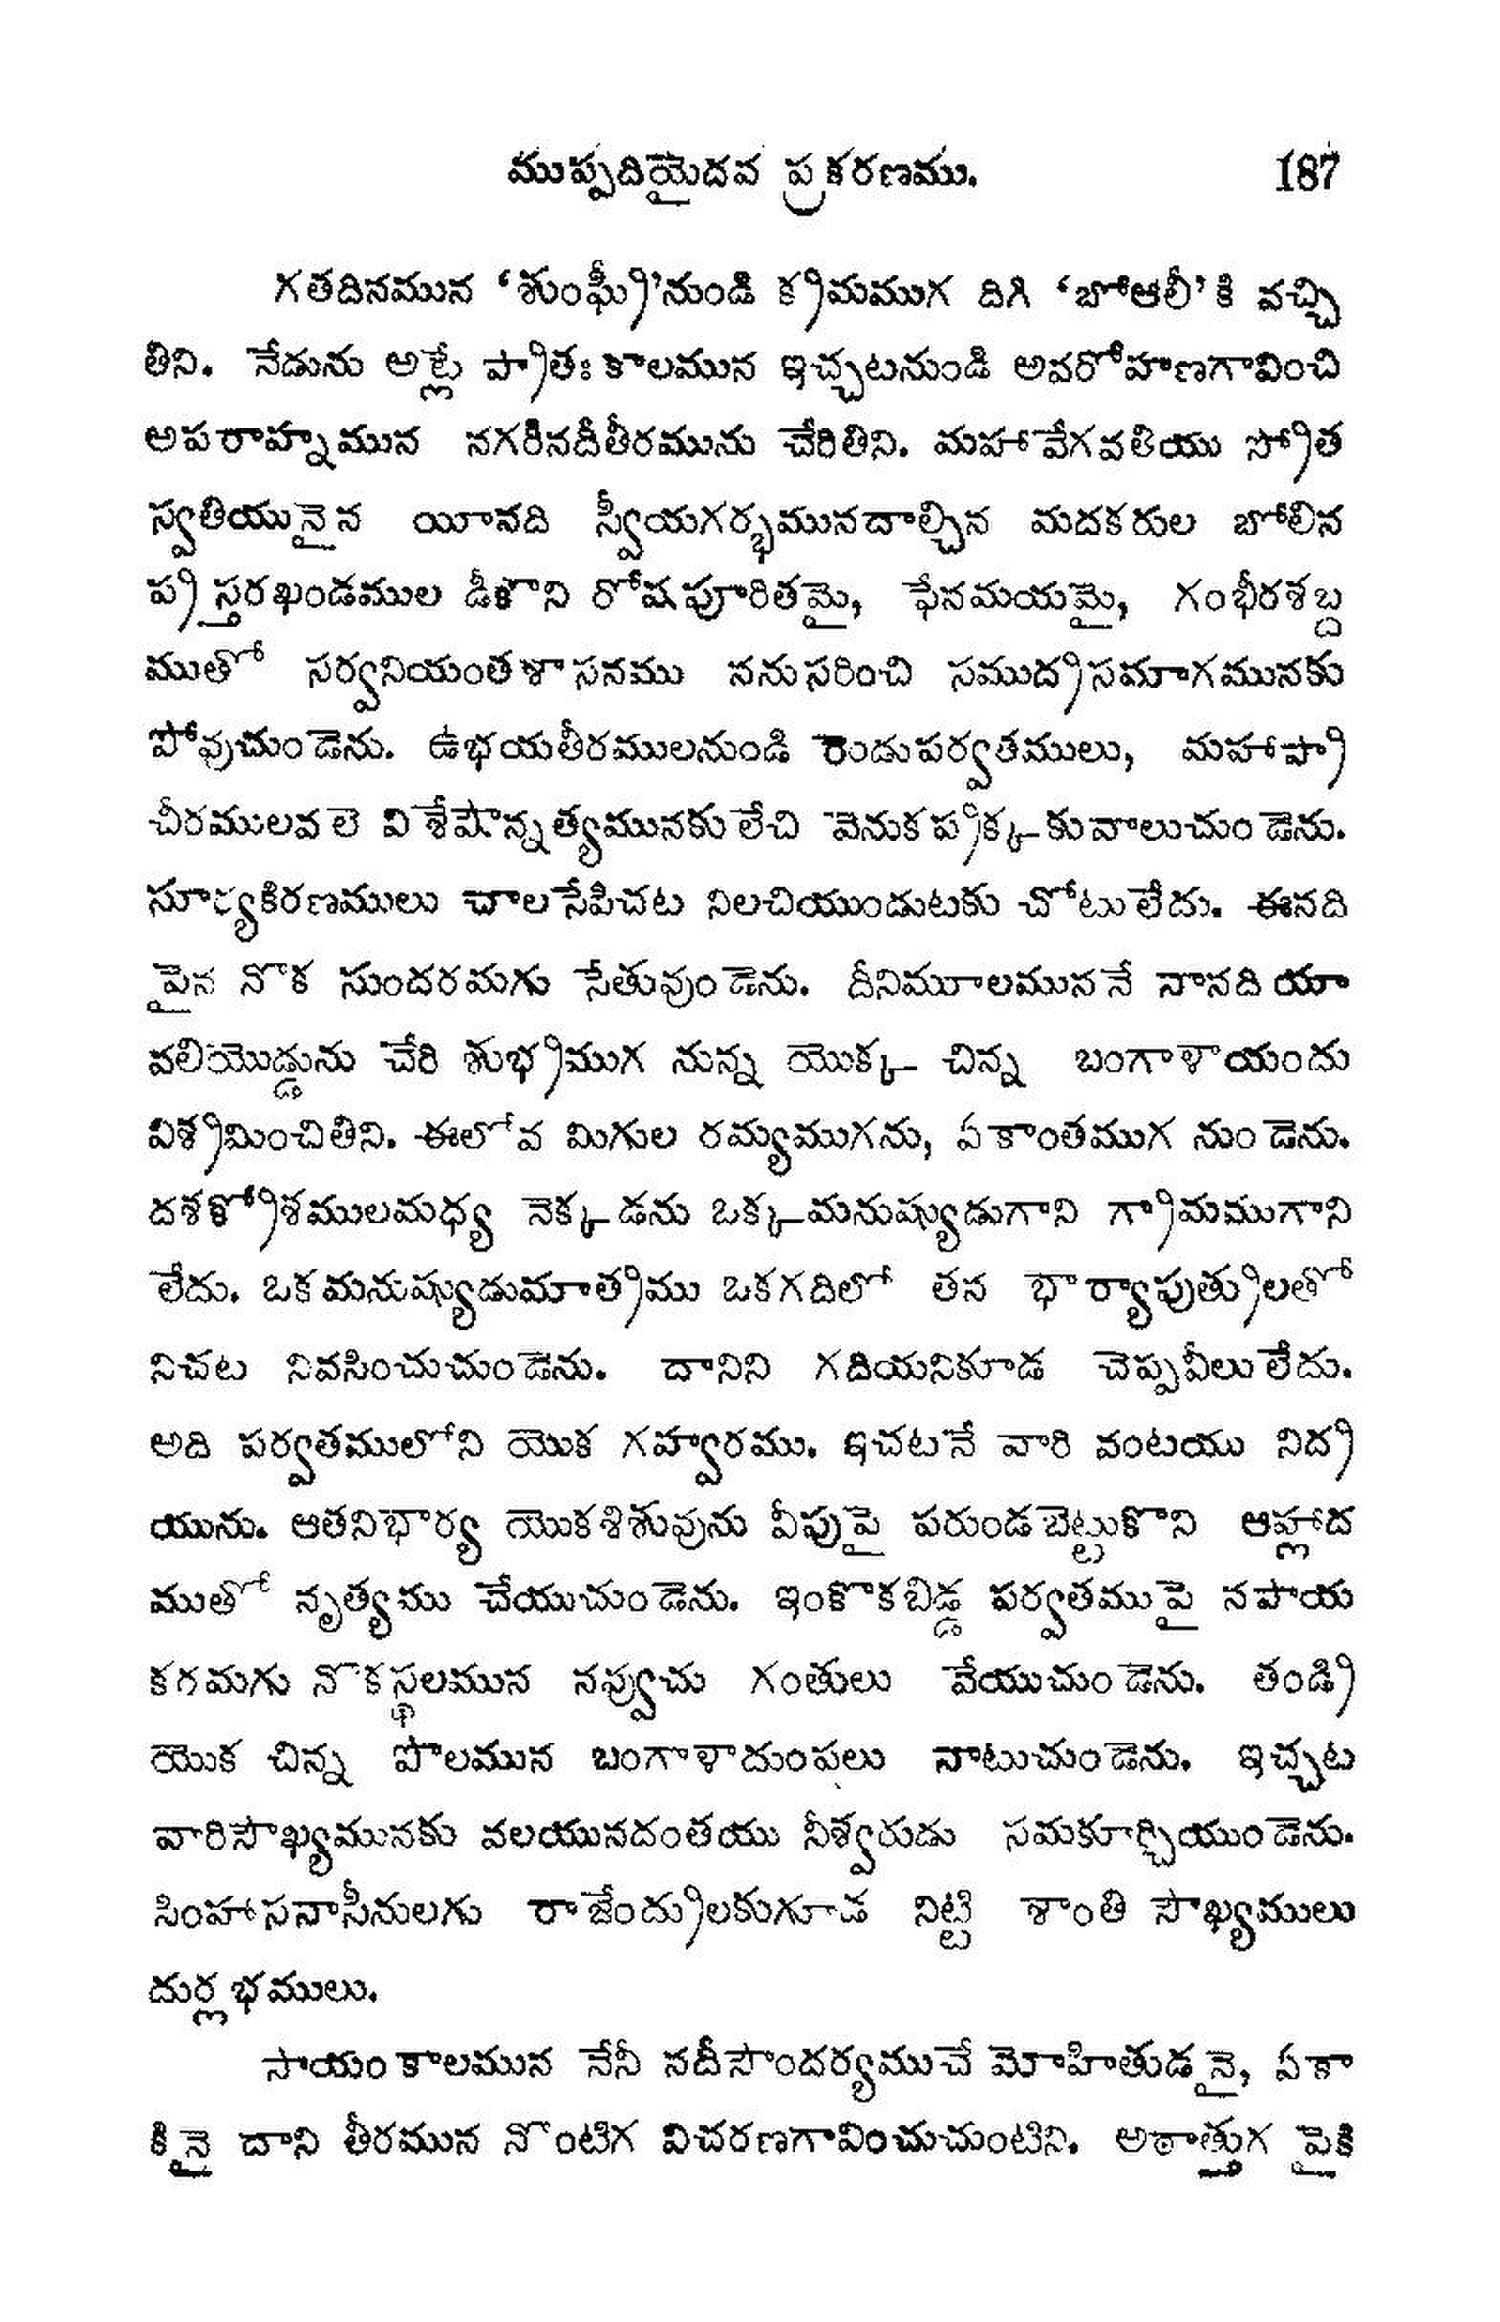గతదినమున ' శుంఘ్రీ ' నుండి క్రమముగ దిగి 'బోఆలీ' కి వచ్చితిని. 
నేడును అట్లే ప్రాతః కాలమున ఇచ్చటనుండి అవరోహణగావించి
అపరాహ్నమున నగరీనదీ తీరమును చేరితిని, మహా వేగవతియు 
స్రోతస్వతీయునైన యీనది స్వీయగర్భమున దాల్చిన మదకరుల బోలిన
ప్రస్తర ఖండముల డీకొని రోష పూరితమై, ఫేనమయమై, గంభీర శబ్ద
ముతో సర్వనియంత శాసనము ననుసరించి సముద్ర సమాగమునకు
పోవుచుండెను. ఉభయతీరముల నుండి రెండు పర్వతములు, మహాప్రా
చీరములవలె వి శేషౌన్నత్యమునకు లేచి "వెనుక ప్రక్కకు వాలుచుండెను.
సూర్య కిరణములు చాల సేపిచట నిలచి యుండుటకు చోటు లేదు. ఈనది
పైన నొక సుందరమగు సేతువుండెను. దీనిమూలమున నే నానది యా
వలియొడ్డును చేరి శుభముగ నున్న యొక్క చిన్న బంగాళాయందు
విశ్రమించితిని. ఈలోవ మిగుల రమ్యముగను, ఏకాంతముగ నుండెను.
దశక్రోశముల మధ్య నెక్కడను ఒక్క మనుష్యుడు గాని గ్రామముగాని
లేదు. ఒక మనుష్యుడు మాత్రము ఒక గదిలో తన భార్యాపుత్రులతో
నిచట నివసించు చుండెను. దానిని గదియని కూడ చెప్పవీలు లేదు.
అది పర్వతములోని గహ్వరము. ఇచటనే వారి వంటయు నీద్రయును.
అతని భార్య యొక శిశువును వీపుపై పరుండ బెట్టుకొని ఆహ్లాదముతో 
నృత్యము చేయుచుండెను. ఇంకొక బిడ్డ పర్వతముపై నపాయ
కగమగు నొక స్థలమున నవ్వుచు గంతులు వేయుచుండెను. తండ్రి
యొక చిన్న పొలమున బంగాళాదుంపలు నాటుచుండెను. ఇచ్చట
వారిసౌఖ్యమునకు వలయునదంతయు నీశ్వరుడు సమకూర్చి యుండెను.
సింహాసనాసీనులగు రాజేంద్రులకుగూడ నిట్టి శాంతి సౌఖ్యములు
దుర్లభములు.

సాయం కాలమున నేనీ నదీ సౌందర్యముచే మోహితుడనై, ఏకా
కినై దాని తీరమున నొంటిగ విచరణ గావించుచుంటిని, అఠాత్తుగ పైకి